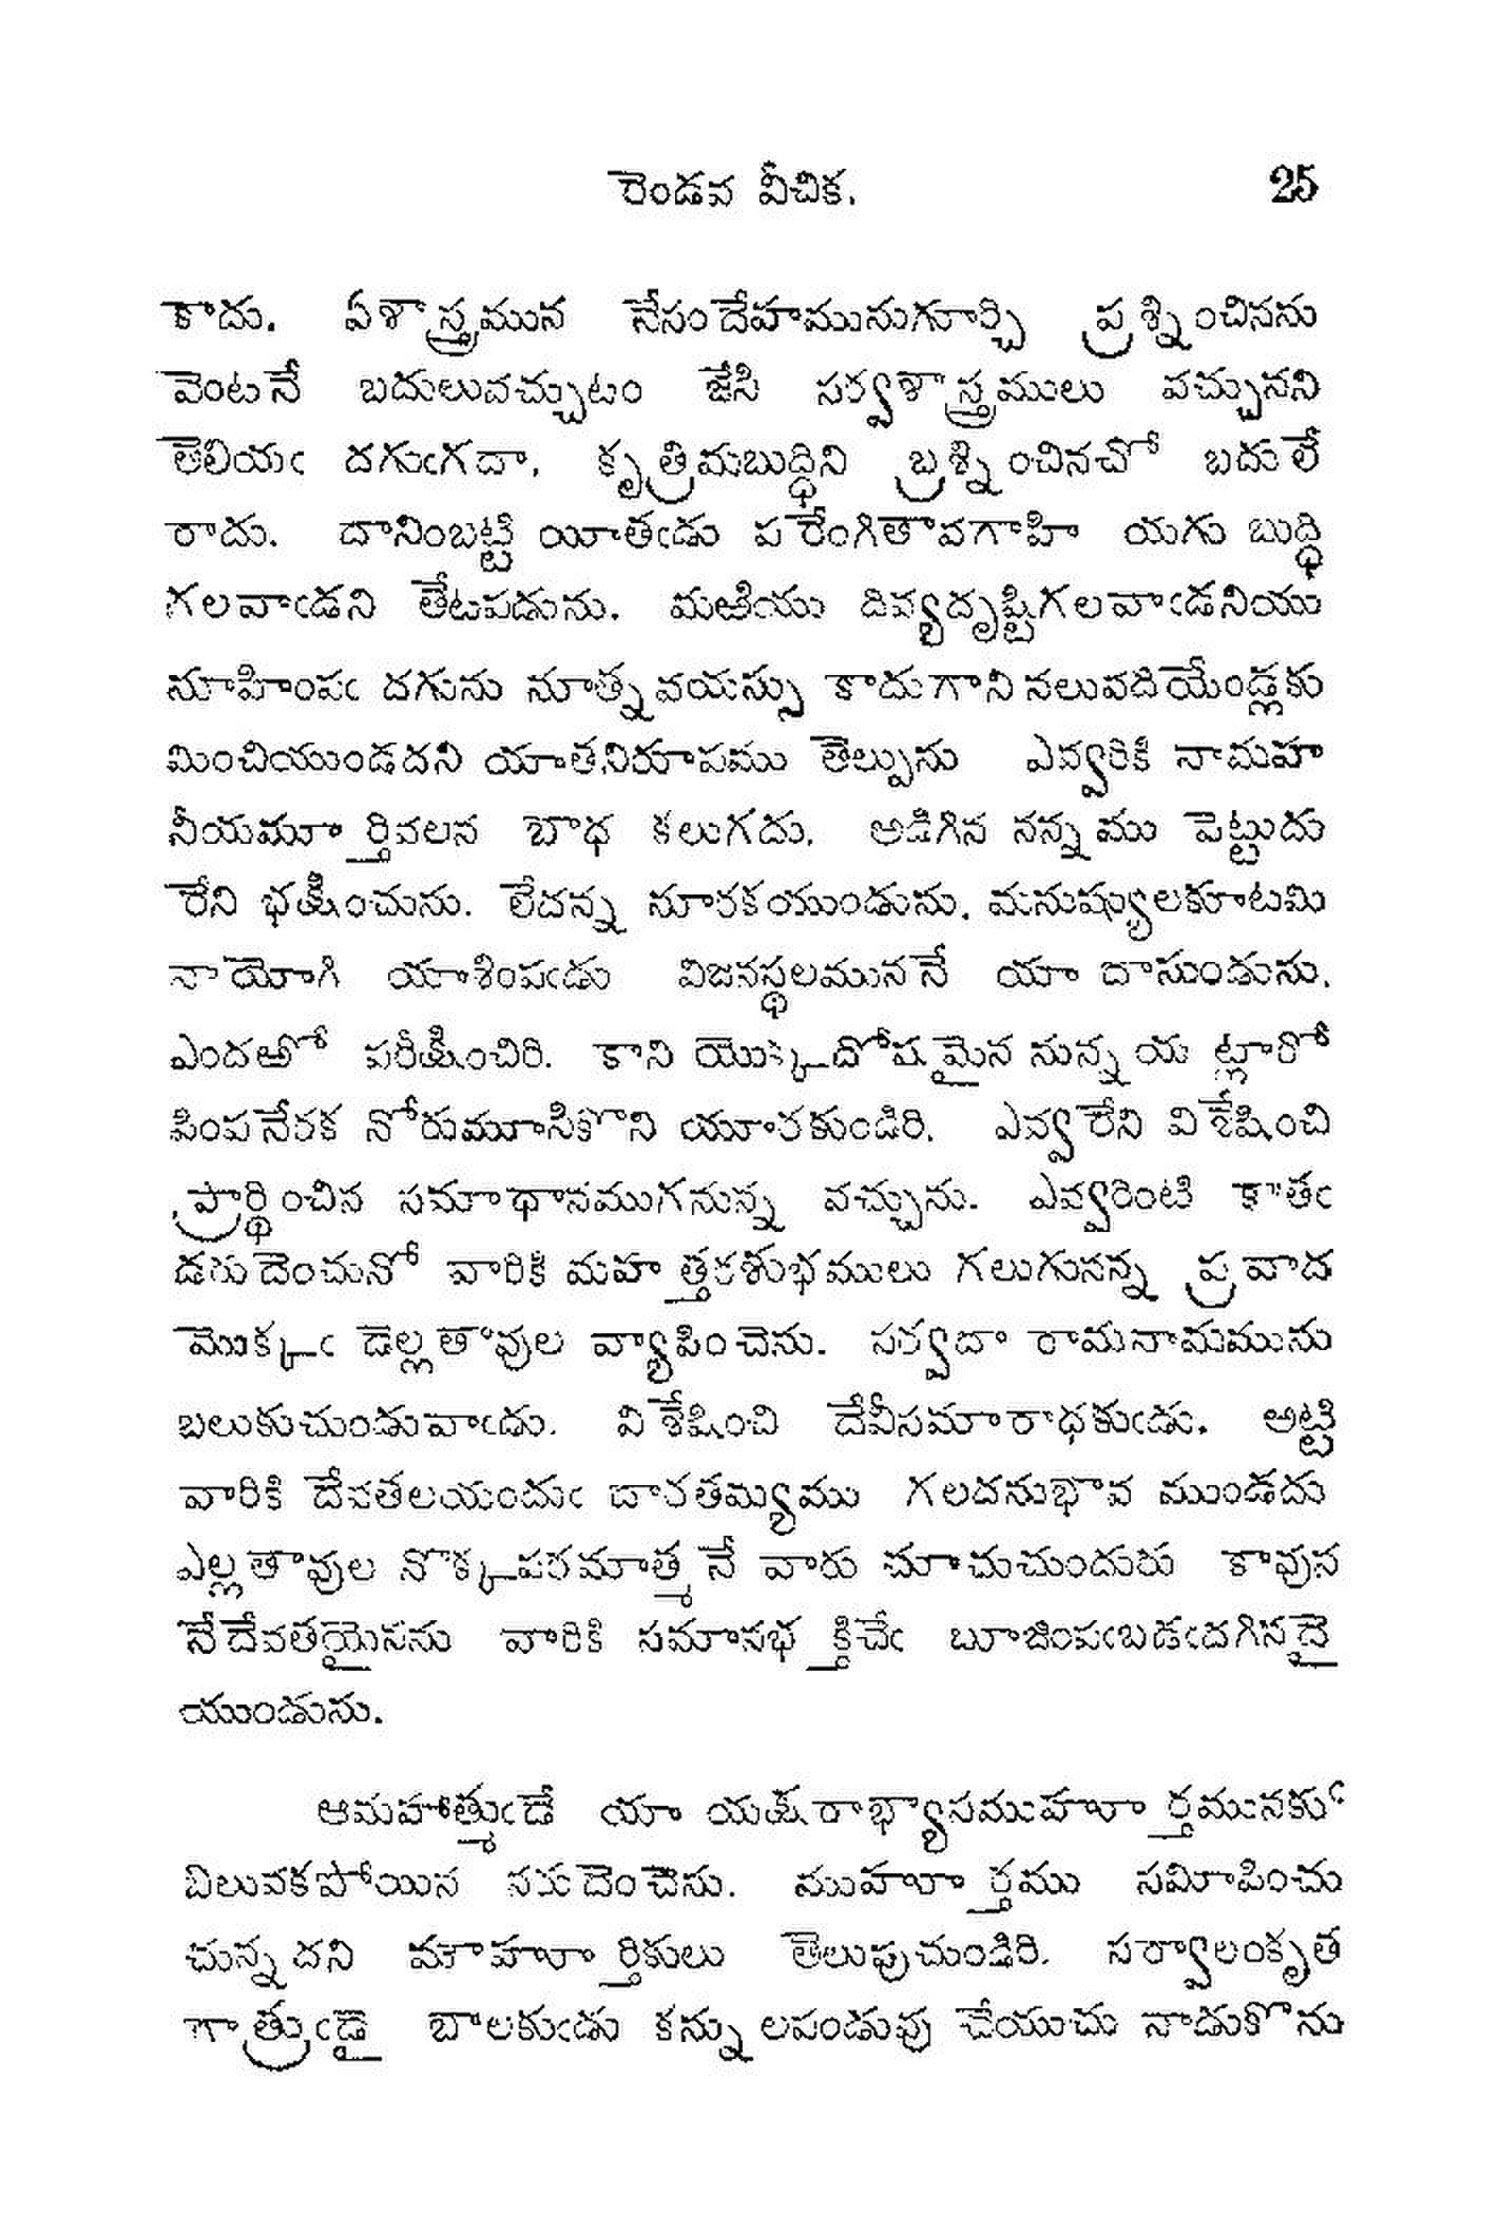కాదు. ఏశాస్త్రమున నేసందేహమునుగూర్చి ప్రశ్నించినను వెంటనే బదులువచ్చుటం జేసి సర్వశాస్త్రములు వచ్చునని తెలియఁదగుఁగదా, కృత్రిమబుద్దిని బ్రశ్నించినచో బదులే రాదు. దానింబట్టి యీతఁడు ప రేంగితావగాహి యగు బుద్ది గలవాఁడని తేటపడును. మఱియు దివ్యదృష్టిగలవాఁడనియు నూహింపఁ దగును నూత్న వయస్సు కాదుగాని నలువది యేండ్లకు మించియుండదని యాతని రూపము తెల్పును ఎవ్వరికీ నామహనీయమూర్తివలన బాధ కలుగదు. అడిగిన నన్నము పెట్టుదురేని భక్షించును. లేదన్న నూరకయుండును. మనుష్యులకూటమి నా యోగి యాశింపఁడు విజనస్థలముననే యా దాసుండును. ఎందఱో పరీక్షించిరి. కాని యొక్క దోషమైన నున్న యట్లారోపింప నేరక నోరుమూసికొని యూరకుండిరి. ఎవ్వరేని విశేషించి ప్రార్ధించిన సమాధానముగనున్న వచ్చును. ఎవ్వరింటి కాతcడరు దెంచునో వారికి మహత్తర శుభములు గలుగునన్న ప్రవాదమొక్కఁ డెల్ల తావుల వ్యాపించెను. సర్వదా రామనామమును బలుకుచుండువాఁడు. విశేషించి దేవీసమారాధకుఁడు. అట్టి వారికి దేవతలయందుఁ దారతమ్యము గలదనుభావ ముండదు ఎల్ల తావుల నొక్క పరమాత్మ నే వారు చూచుచుందురు. కావున నే దేవతయైనను వారికి సమానభ క్తిచేఁ బూజింపబడఁదగినదై యుండును.

ఆమహాత్ముడే యా యక్షరాభ్యాసముహూర్తమునకుఁ బిలువకపోయిన నరుదెంచెను. ముహూర్తము సమీపించు చున్నదని మౌహూర్తికులు తెలుపుచుండిరి. సర్వాలంకృత గాత్రుఁడై బాలకుడు కన్నులపండువు చేయుచు నాడుకొను